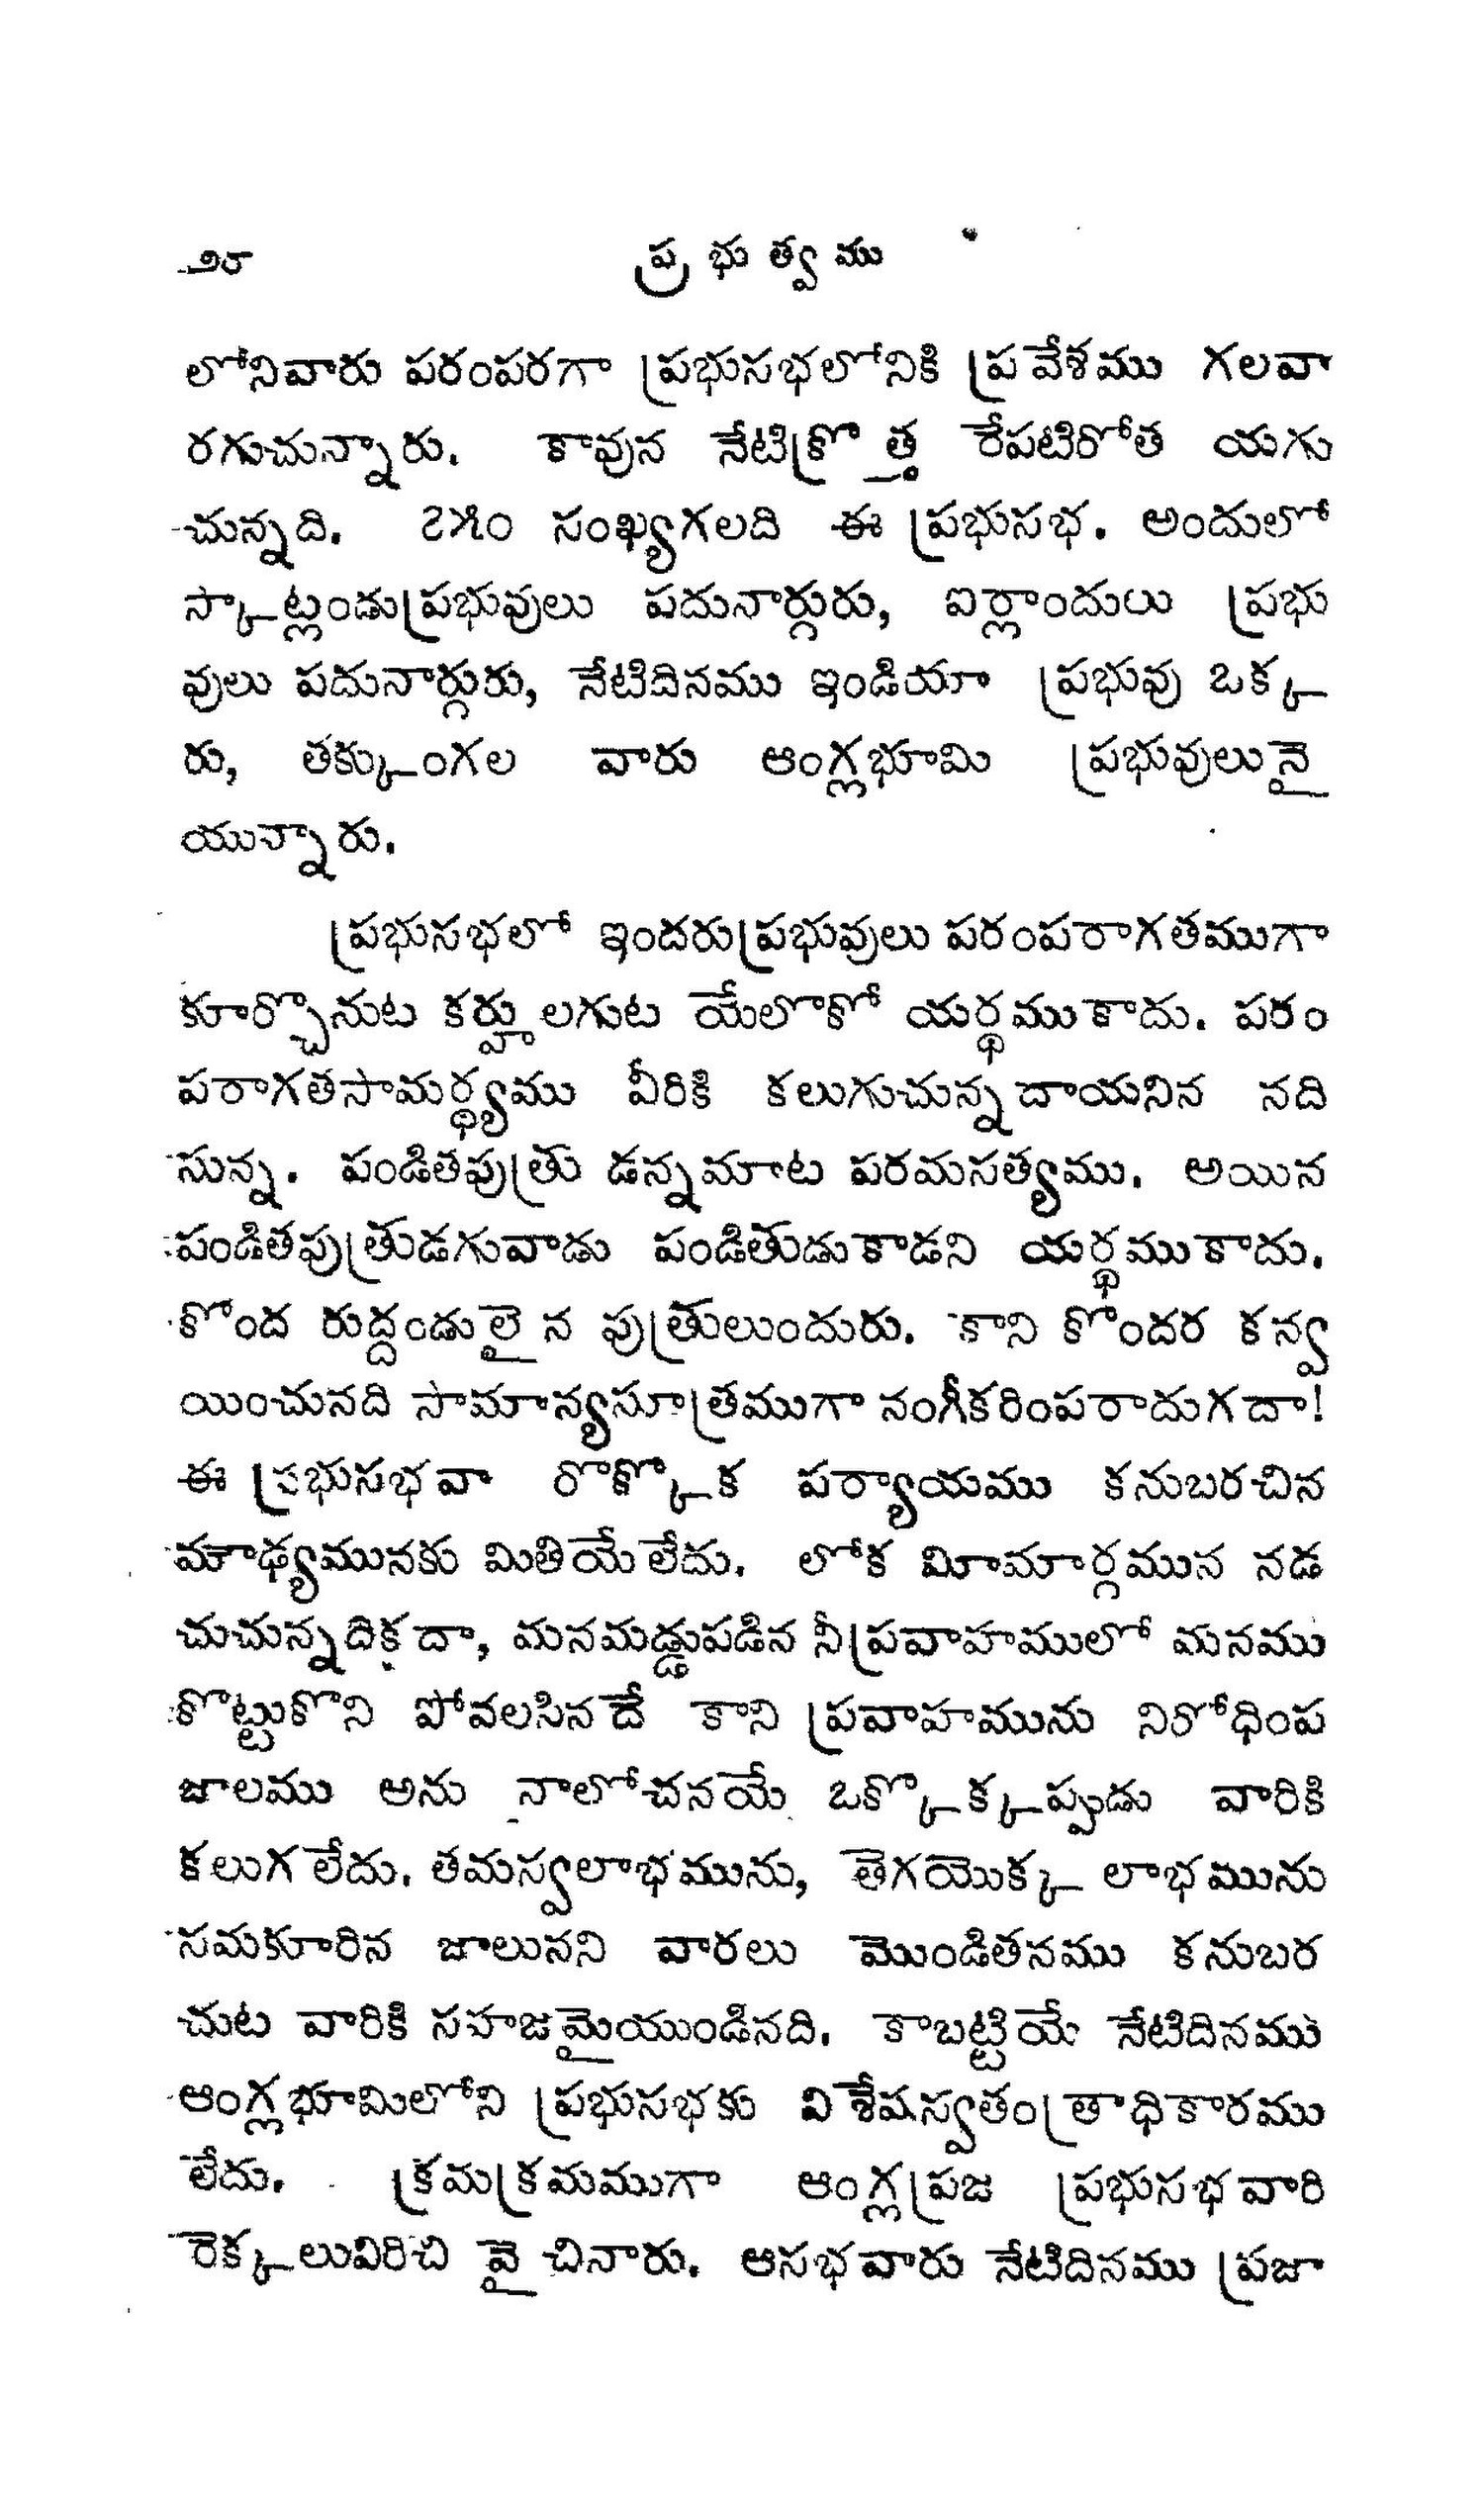లోనివారు పరంపరగా ప్రభుసభలోనికి ప్రవేశము గలవారగుచున్నారు. కావున నేటిక్రొత్త రేపటిరోత యగుచున్నది. 750 సంఖ్యగలది ఈ ప్రభుసభ. అందులో స్కాట్లండుప్రభువులు పదునార్గురు, ఐర్లాందులు ప్రభువులు పదునాలర్గురు, నేటిదినము ఇండియా ప్రభువు ఒక్కరు, తక్కుంగల వారు ఆంగ్లభూమి ప్రభువులునై యున్నారు.

ప్రభుసభలో ఇందరుప్రభువులు పరంపరాగతముగా కూర్చొనుట కర్హులగుట యేలొకో యర్థముకాదు. పరంపరాగతసామర్థ్యము వీరికి కలుగుచున్నదాయనిన నది సున్న . పండితపుత్రు డన్నమాట పరమసత్యము, అయిన పండితపుత్రుడగువాడు పండితుడుకాడని యర్థముకాదు. కొంద రుద్దండులైన పుత్రులుందురు. కాని కొందర కన్వయించునది సామాన్యసూత్రముగా నంగీకరింపరాదు గదా! ఈ ప్రభుసభవా రొక్కొక పర్యాయము కనుబరచిన మౌఢ్యమునకు మితియేలేదు. లోక మీమార్గమున నడచుచున్నదికదా, మనమడ్డుపడిన నీప్రవాహములో మనము కొట్టుకొని పోవలసినదే కాని ప్రవాహమును నిరోధింప జాలము అను నాలోచనయే ఒక్కొక్కప్పుడు వారికి కలుగలేదు. తమస్వలాభమును, తెగయొక్క లాభమును సమకూరిన జాలునని వారలు మొండితనము కనుబరచుట వారికి సహజమైయుండినది. కాబట్టియే నేటిదినము ఆంగ్లభూమిలోని ప్రభుసభకు విశేషస్వతంత్రాధికారము లేదు. క్రమక్రమముగా ఆంగ్లప్రజ ప్రభుసభవారి రెక్కలువిరిచి వై చినారు. ఆసభవారు నేటిదినము ప్రజూ